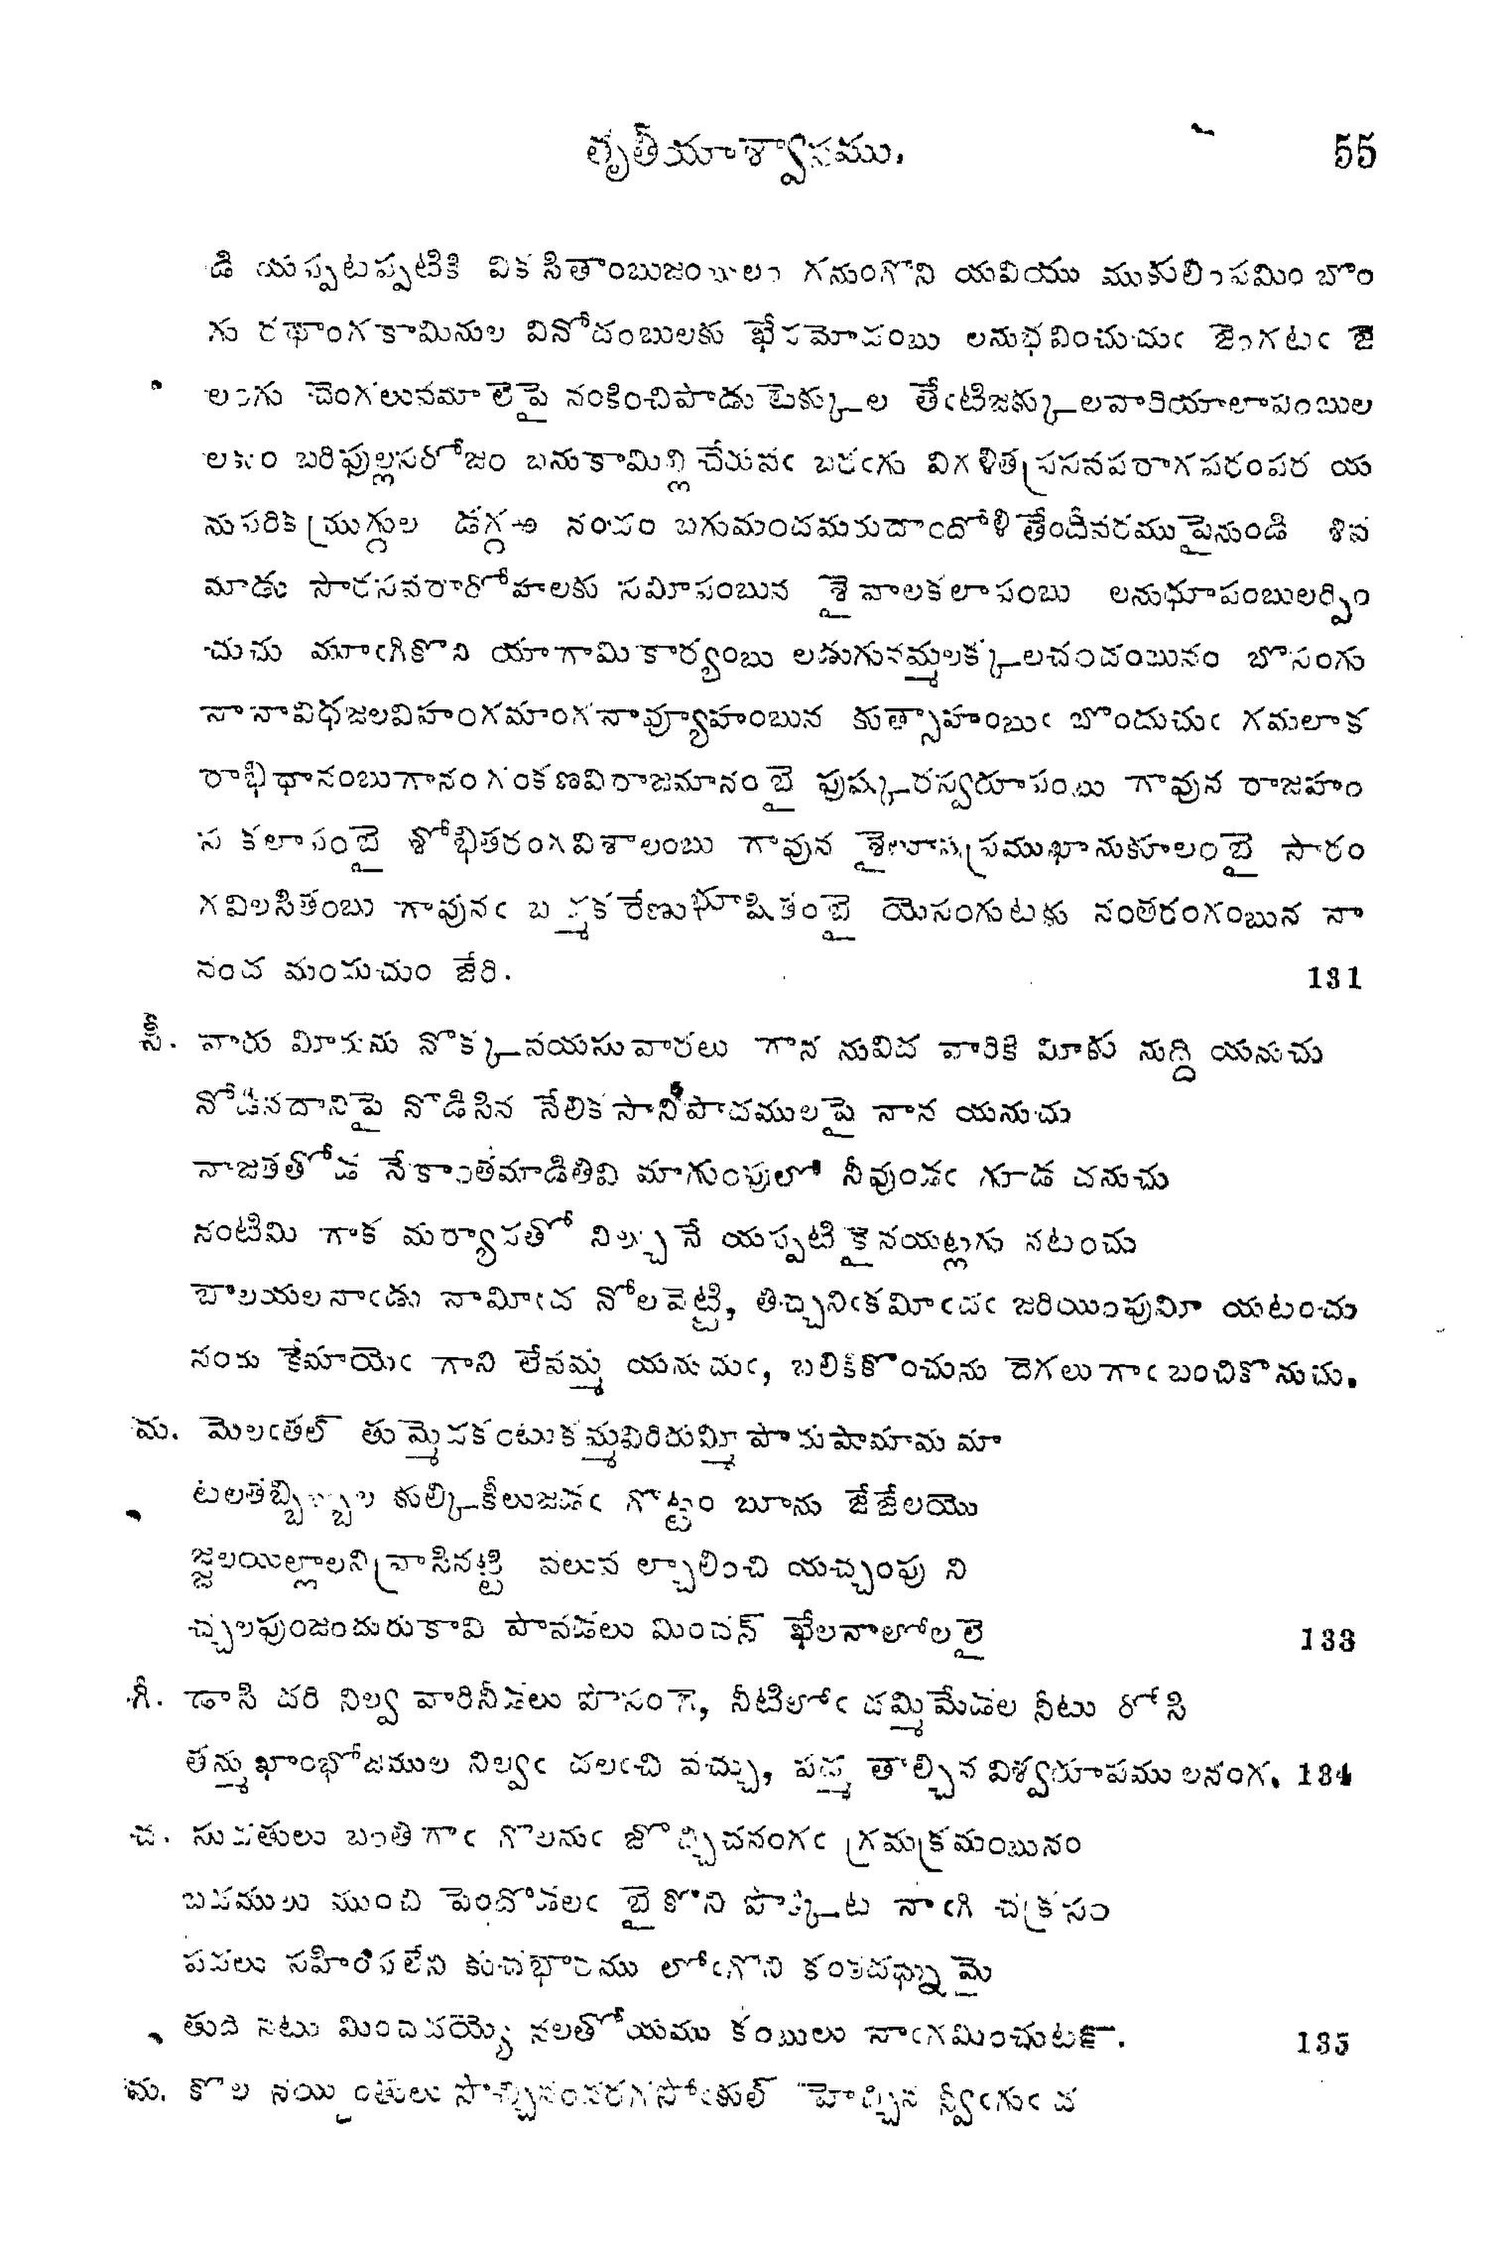డి యప్పటప్పటికి వికసితాంబుజంబులం గనుంగొని యవియు ముకులింపమిం బొం
గు రథాంగకామినుల వినోదంబులకు ఖేదమోదంబు లనుభవించుచుఁ జెంగటఁ జె
లగు చెంగలువమాలెపై నంకించిపాడు టెక్కుల తేఁటిజక్కులవారియాలాపంబుల
లకుం బరిఫుల్లసరోజం బనుకామిల్లిచేరువఁ బరఁగు విగళితప్రసవపరాగపరంపర య
నుపరికమ్రుగ్గుల డగ్గఱ నందం బగుమందమరుదాందోళితేందీవరముపైనుండి శివ
మాడు సారసవరారోహలకు సమీపంబున శైవాలకలాపంబు లనుధూపంబు లర్పిం
చుచు మూఁగికొని యాగామికార్యంబు లడుగు నమ్మలక్కలచందంబునం బొసంగు
నానావిధజలవిహంగమాంగనావ్యూహంబున కుత్సాహంబుఁ బొందుచుఁ గమలాక
రాభిధానంబుగానం గంకణవిరాజమానంబై పుష్కరస్వరూపంబు గావున రాజహం
సకలాపంబై శోభితరంగవిశాలంబు గావున శైలూషప్రముఖానుకూలంబై సారం
గవిలసితంబు గావునఁ బద్మకరేణుభూషితంబై యెసంగుటకు నంతరంగంబున నా
నంద మందుచుం జేరి.
సీ. వారు మీరును నొక్కవయసువారలు గాన నువిద వారికి మీకు సుద్ది యనుచు
నోడినదానిపై నొడిసిన నేలిక సానిపాదములపై నాన యనుచు
నాజతతోడ నేకాంతమాడితివి మాగుంపులో నీ వుండఁగూడ దనుచు
నంటిమి గాక మర్యాదతో నిల్చునే యప్పటికైన యట్లగు నటంచు
బాల యలనాఁడు నామీఁద నోలవెట్టి, తిచ్చ నిఁకమీఁదఁ జరియింపుమీ యటంచు
నందు కేమాయెఁ గాని లేవమ్మ యనుచుఁ, బలికికొంచును దెగలుగాఁ బంచికొనుచు.
మ. మెలఁతల్ తుమ్మెదకంటుకమ్మవిరిరుమ్మీపాదుషామామ మా
టలతబ్బిబ్బుల కుల్కి కీలుజడఁ గొట్టం బూను జేజేలయొ
జ్జలయిల్లాలని వ్రాసినట్టి వలువ ల్చాలించి యచ్చంపు ని
చ్చలపుంజందురుకావి పావడలు మించన్ ఖేలనాలోలలై.
గీ. డాసి దరి నిల్వ వారినీడలు పొసంగె, నీటిలోఁ దమ్మిమేడల నీటు రోసి
తన్ముఖాంభోజముల నిల్వఁదలఁచి వచ్చు, పద్మ తాల్చిన విశ్వరూపము లనంగ.
చ. సుదతులు బంతిగాఁ గొలనుఁ జొచ్చి చనంగఁ గ్రమక్రమంబునం
బదములు ముంచి పెందొడలఁ బైకొని పొక్కిట నాఁగి చక్రసం
పదలు సహింపలేని కుచభారము లోఁగొని కంఠదఘ్నమై
తుది నటు మించదయ్యె నలతోయము కంబులు నాఁగమించుటన్.
మ. కొల నయ్యింతులు సొచ్చినం దరగ సోఁకుల్ హెచ్చిన న్వీఁగుఁ ద